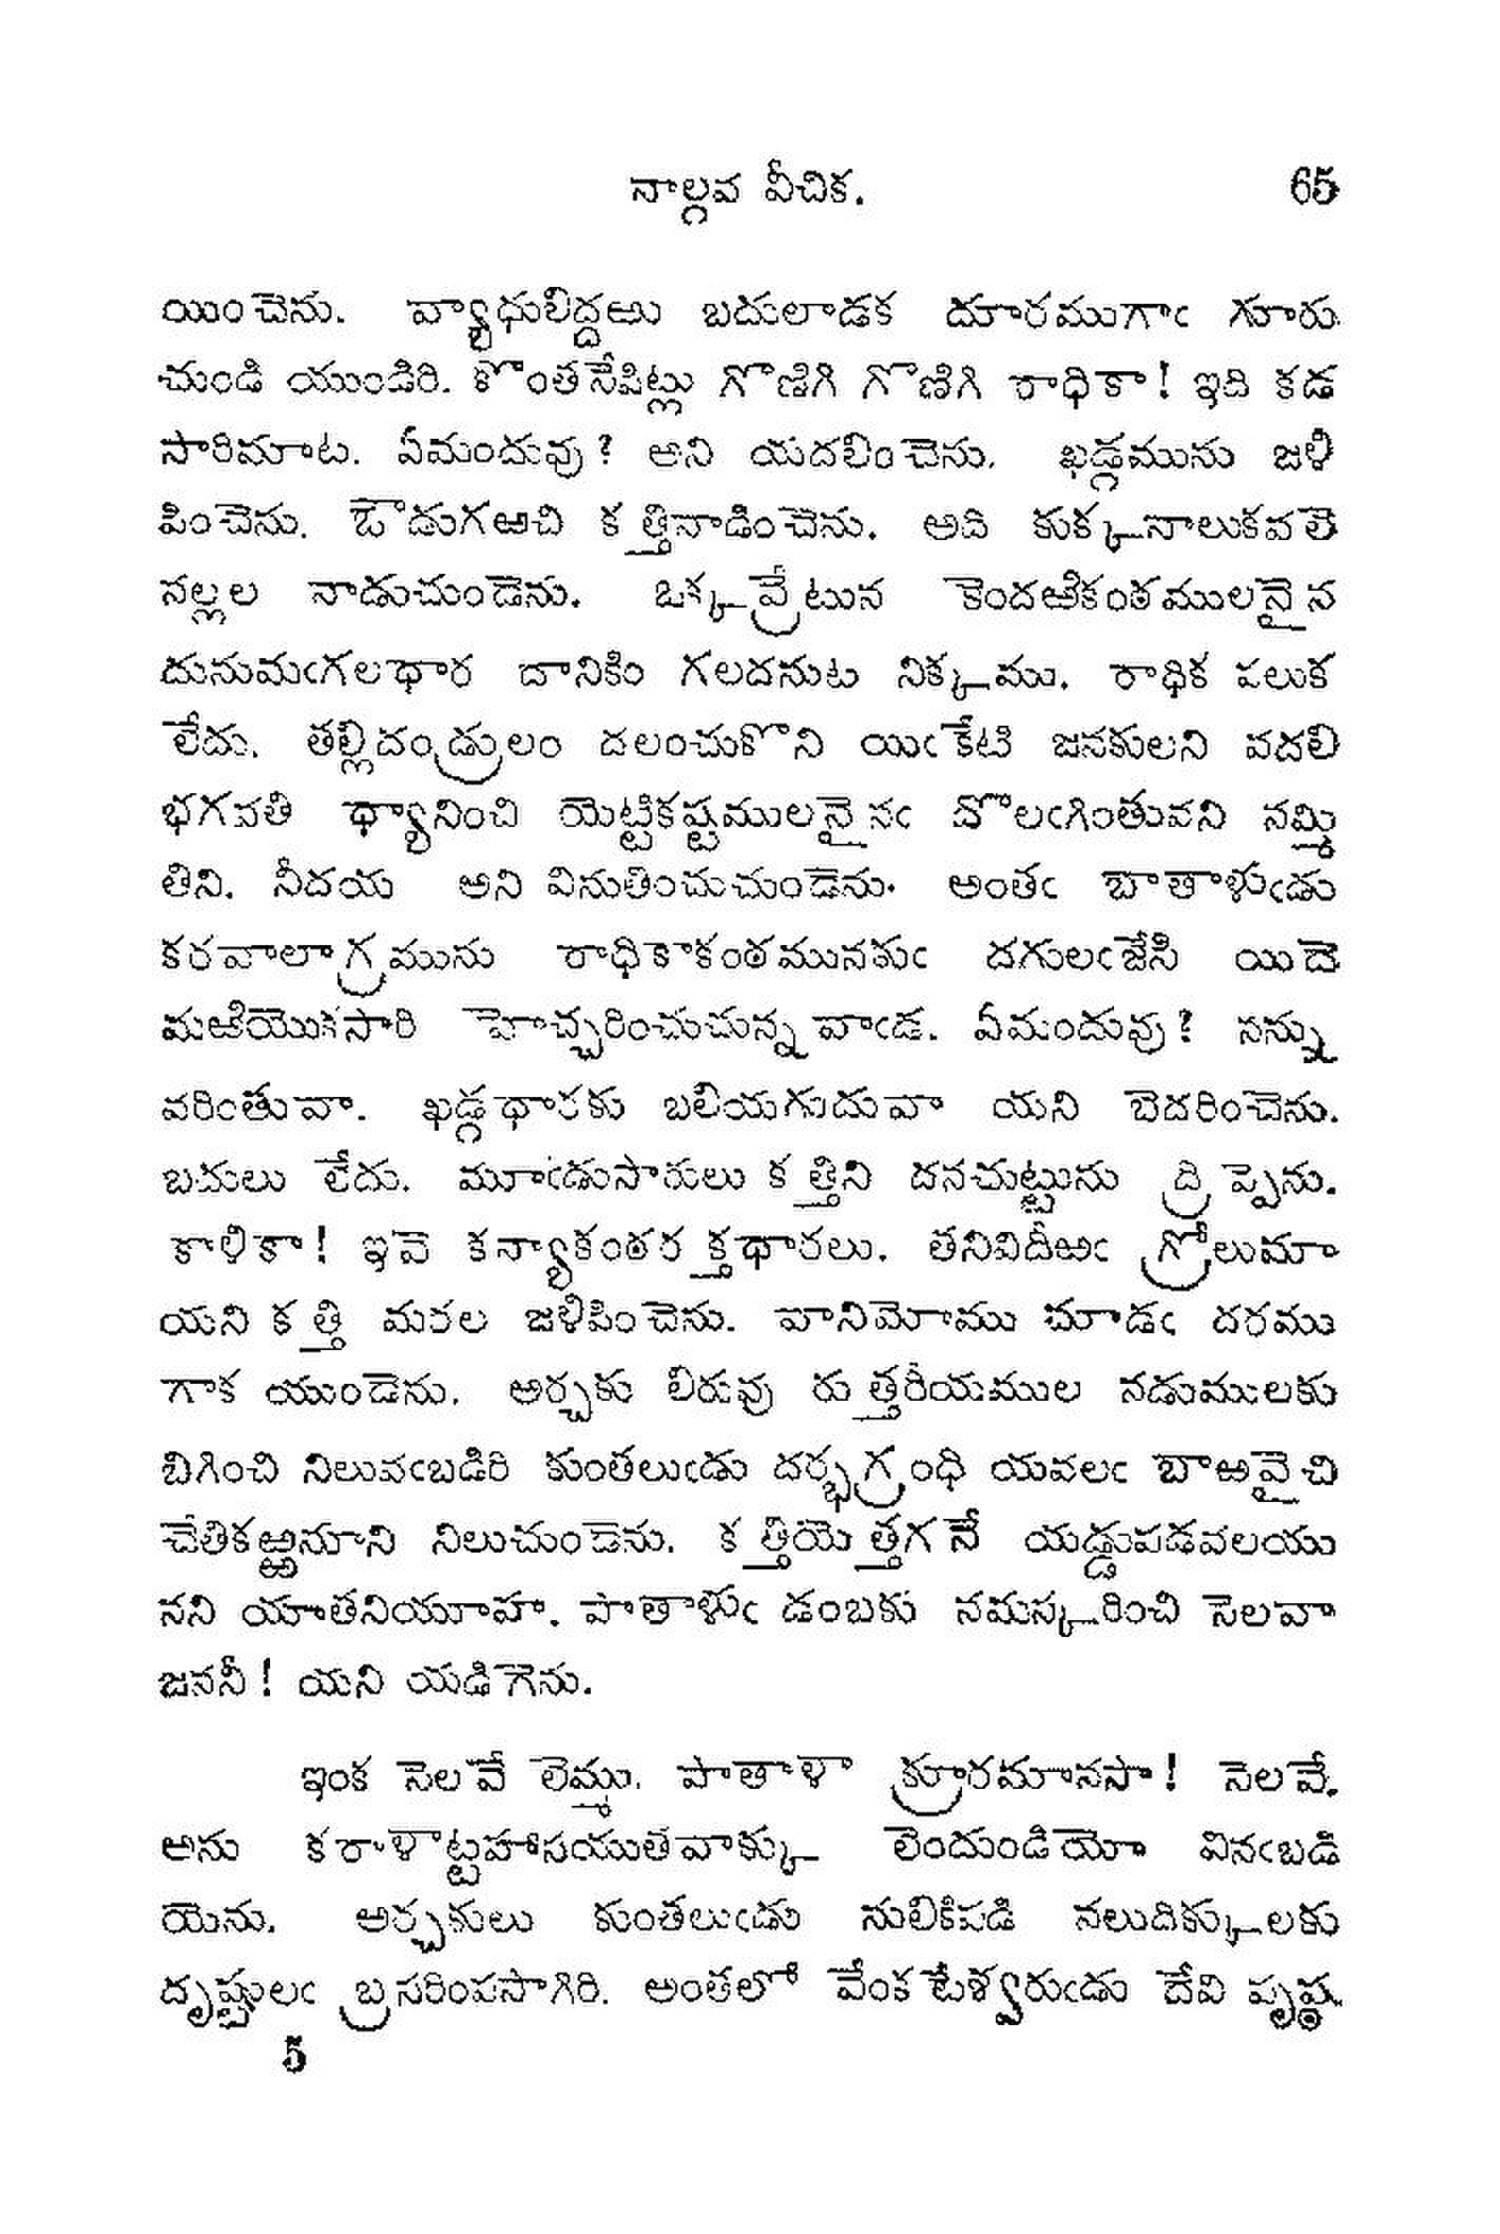యించెను. 'వ్యాధులిద్దఱు బదులాడక దూరముగాఁ గూరుచుండి యుండిరి. కొంత సేపిట్లు గొణిగి గొణిగి రాధికా ! ఇది కడ సారిమాట. ఏమందువు ! అని యదలిం చెను. ఖడ్గమును జళిపించెను. ఔడుగఱచి కత్తినాడించెను. అది కుక్కనాలుకవలె నల్లల నాడుచుండెను. ఒక్క వేటున కెందఱికంఠములనైన దునుమఁగల ధార దానికిం గలదనుట నిక్కము. రాధిక పలుకలేదు. తల్లిదండ్రులం దలంచుకొని యిఁ కేటి జనకులని వదలి భగవతి ధ్యానించి యెట్టికష్టములనైనఁ దొలఁగింతువని నమ్మితిని. నీదయ అని వినుతించుచుండెను. అంతఁ బాతాళుఁడు కరవాలాగమును రాధికాకంఠమునకుఁ దగులఁ జేసి యిదె మఱియొకసారి హెచ్చరించుచున్నవాఁడ. ఏమందువు? సన్ను వరింతువా. ఖడ్గ ధారకు బలియగుదువా యని 'బెదరించెను. బదులు లేదు. మూఁడుసారులు కత్తిని దనచుట్టును ది ప్పెను. కాళికా ! ఇవె కన్యాకంఠరక్తధారలు. తనివిదీఱఁ గ్రోలుమా యని కత్తి మరల జళిపించెను. వానిమోము చూడఁ దరము గాక యుండెను. అర్చకు లిరువు రుత్తరీయముల నడుములకు బిగించి నిలువఁబడిరి కుంతలుఁడు దర్భగ్రంధి యవలఁ బాఱవైచి చేతికఱ్ఱనూని నిలుచుండెను. కత్తియె త్తగనే యడ్డుపడవలయు నని యాతనియూహ, పాతాళుఁ డంబకు నమస్కరించి సెలవా జననీ ! యని యడిగెను.

ఇంక సెలవే లెమ్ము పాతాళా క్రూరమానసా! సెలవే. అను కరాళాట్టహాసయుత వాక్కు లెందుండియో వినఁబడియెను. అర్చకులు కుంతలుఁడు నులికిపడి నలుదిక్కులకు దృష్టులఁ బ్రసరింపసాగిరి. అంతలో వేంకటేశ్వరుఁడు దేవి పృష్ఠ